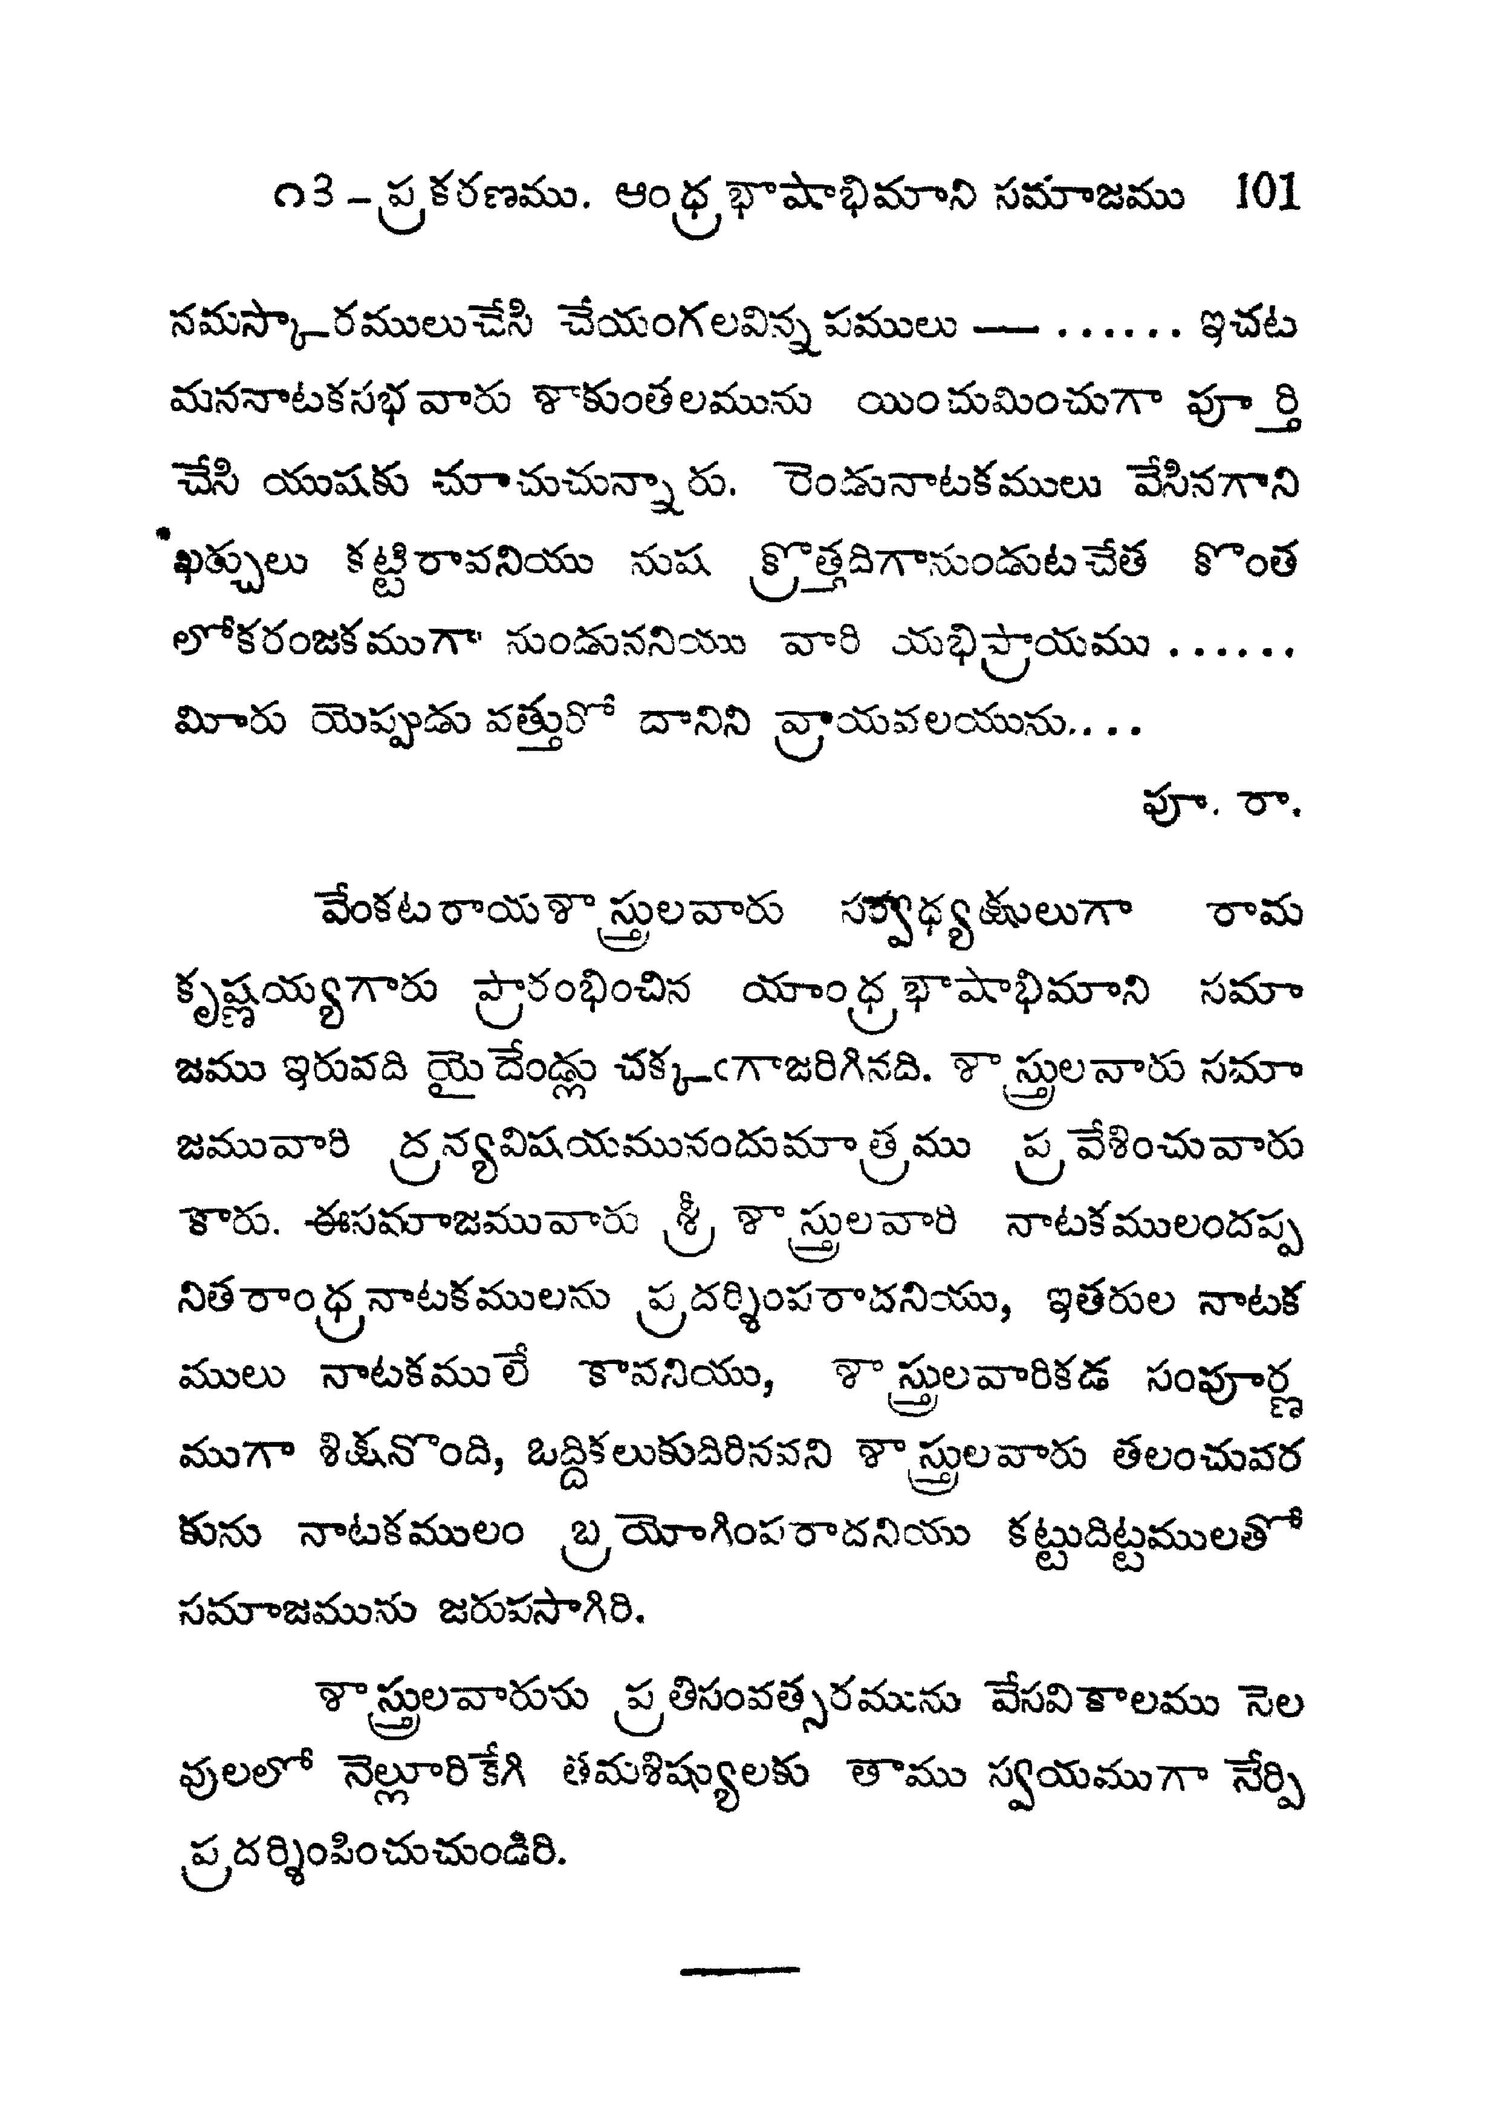నమస్కారములుచేసి చేయంగలవిన్నపములు-......ఇచట మననాటకసభవారు శాకుంతలమును యించుమించుగా పూర్తిచేసి యుషకు చూచుచున్నారు. రెండునాటకములు వేసినగాని ఖర్చులు కట్టిరావనియు నుష క్రొత్తదిగానుండుటచేత కొంత లోకరంజకముగా నుండుననియు వారి యభిప్రాయము ....... మీరు యెప్పుడు వత్తురో దానిని వ్రాయవలయును....
పూ.రా.

వేంకటరాయశాస్త్రులవారు సర్వధ్యక్షులుగా రామకృష్ణగారు ప్రారంభించిన యాంధ్రభాషాభిమాని సమాజము ఇరువది యైదేండ్లు చక్కగాజరిగినది. శాస్త్రులవారు సమాజమువారి ద్రవ్యవిషయమునందుమాత్రము ప్రవేశించువారు కారు. ఈసమాజమువారు శ్రీ శాస్త్రులవారి నాటకములందప్ప నితరాంధ్రనాటకములను ప్రదర్శింపరాదనియు, ఇతరుల నాటకములు నాటకములే కావనియు, శాస్త్రులవారికడ సంపూర్ణముగా శిక్షనొంది, ఒద్దికలుకుదిరినవని శాస్త్రులవారు తలంచువరకును నాటకములం బ్రయోగింపరాదనియు కట్టుదిట్టములతో సమాజమును జరుపసాగిరి.

శాస్త్రులవారును ప్రతిసంవత్సరమును వేసవికాలము సెలవులలో నెల్లూరికేగి తమశిష్యులకు తాము స్వయముగా నేర్పి ప్రదర్శింపించుచుండిరి.

___________